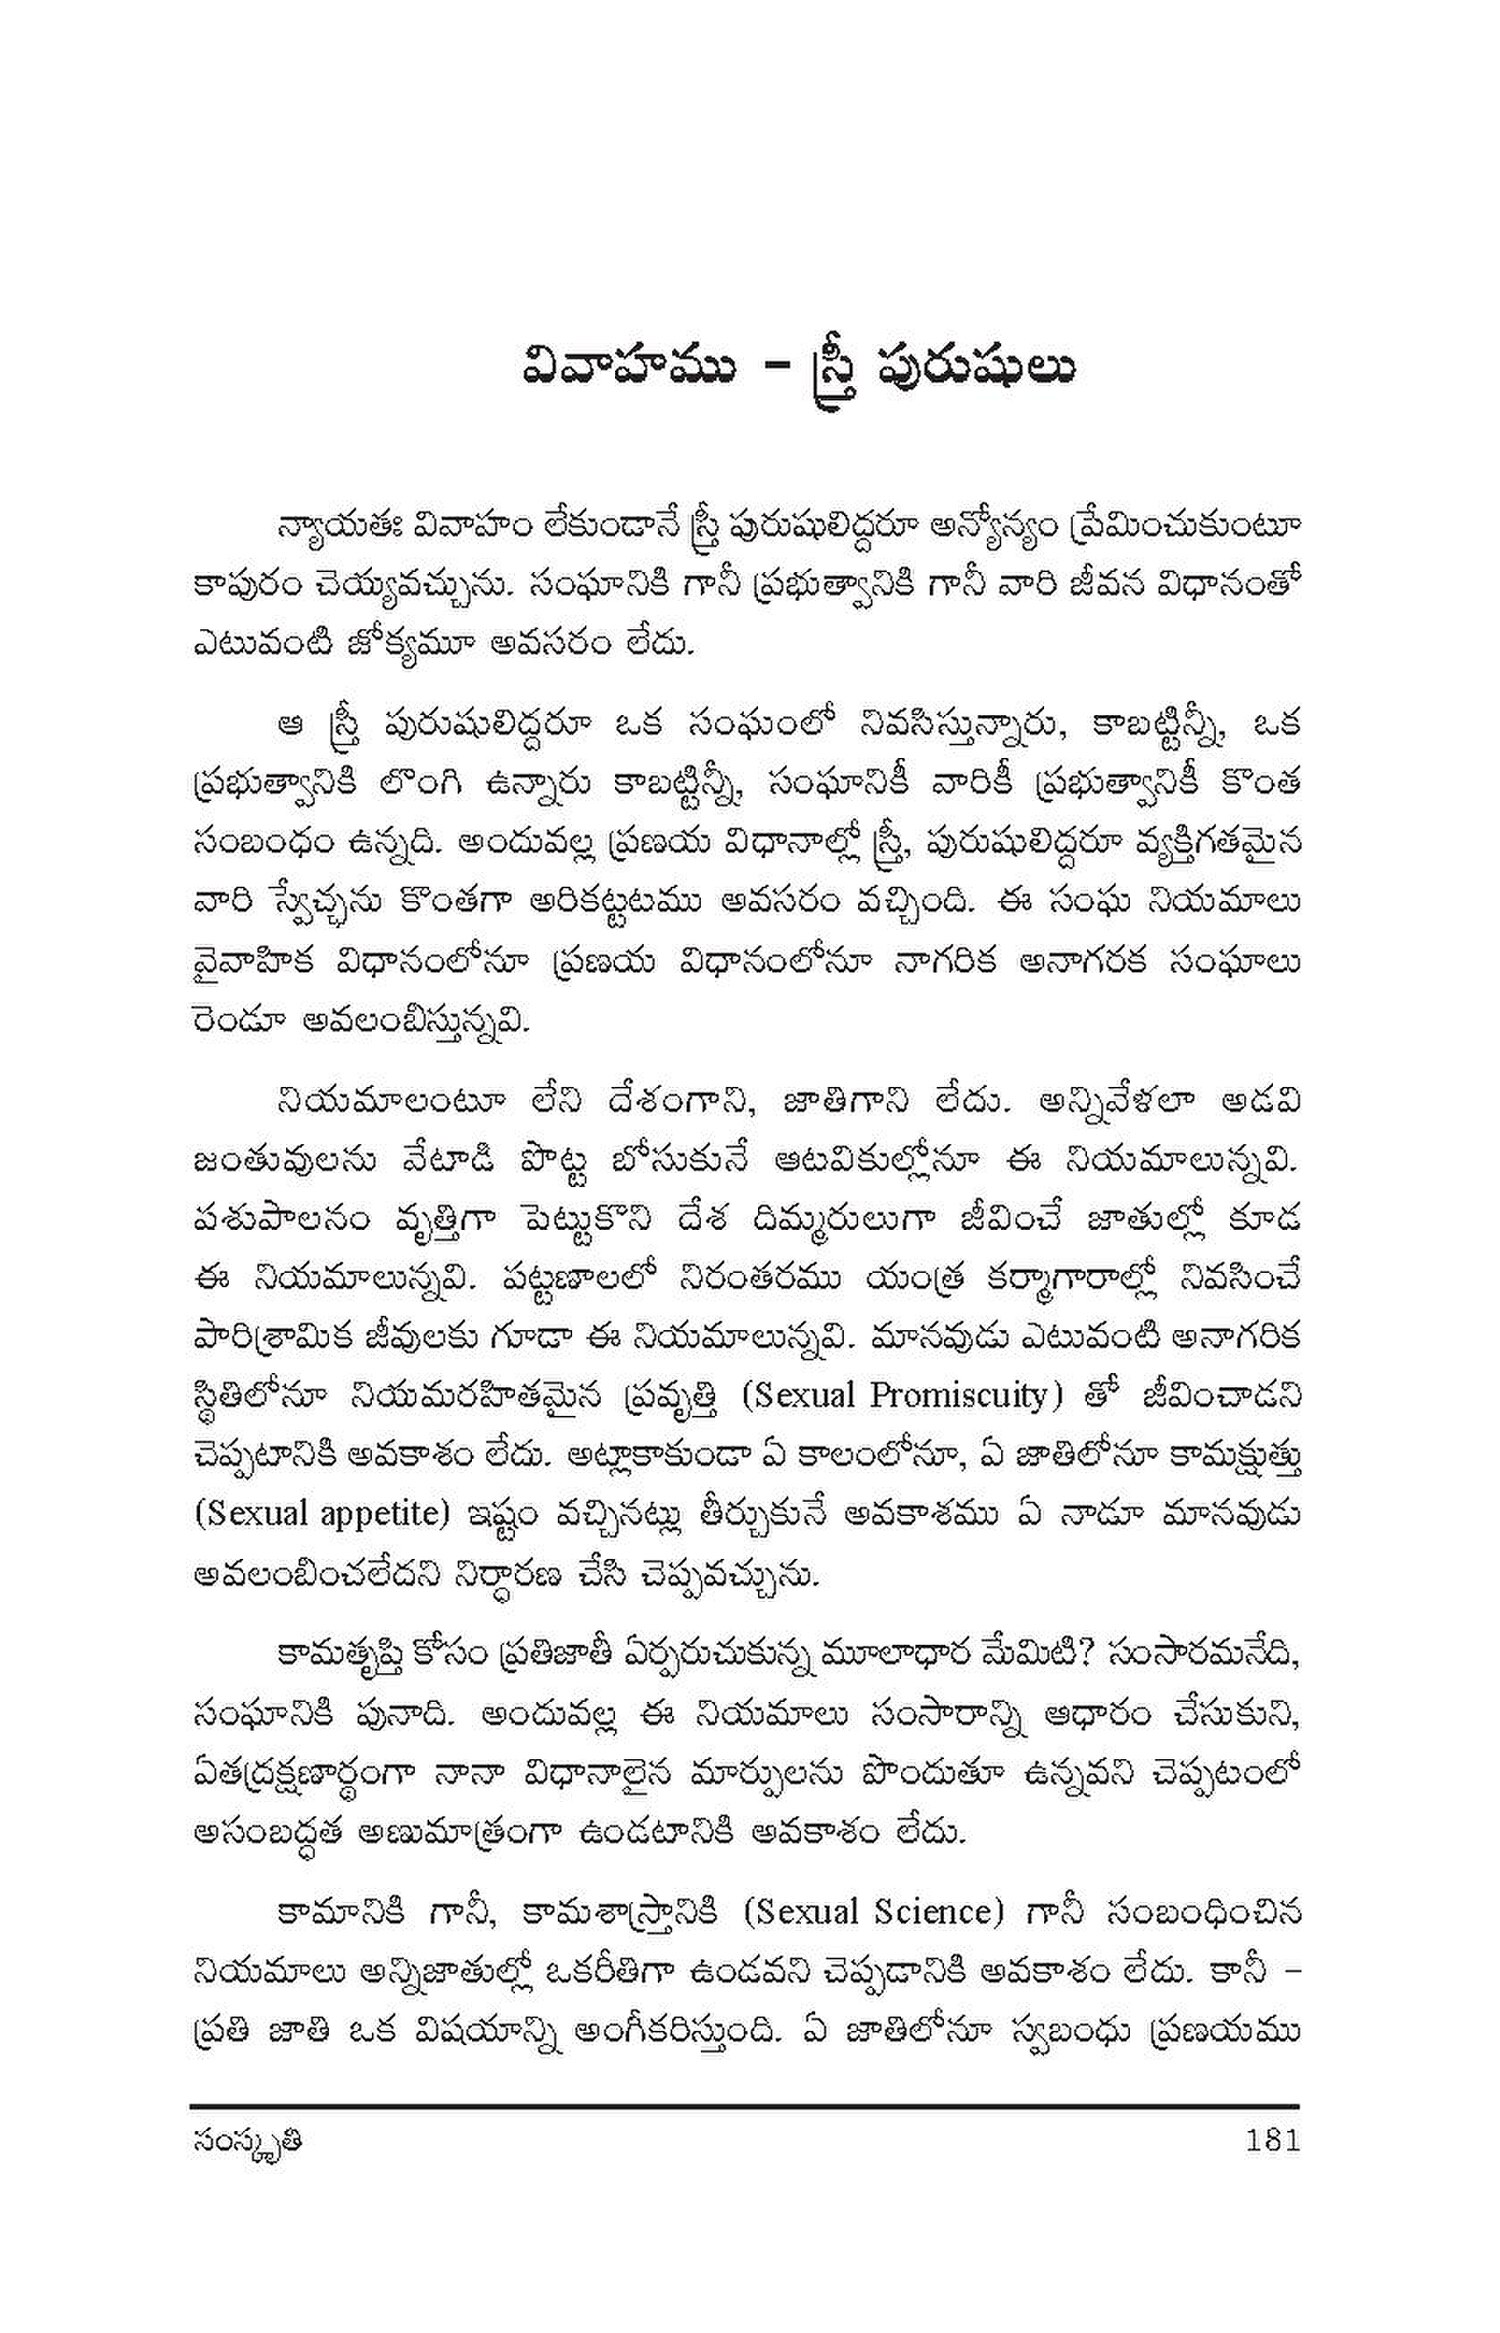న్యాయతః వివాహం లేకుండానే స్త్రీ పురుషులిద్దరూ అన్యోన్యం ప్రేమించుకుంటూ
కాపురం చెయ్యవచ్చును. సంఘానికి గానీ ప్రభుత్వానికి గానీ వారి జీవన విధానంతో
ఎటువంటి జోక్యమూ అవసరం లేదు.

స్త్రీ పురుషులిద్దరూ ఒక సంఘంలో నివసిస్తున్నారు, కాబట్టిన్నీ, ఒక
ప్రభుత్వానికి లొంగి ఉన్నారు కాబట్టిన్నీ, సంఘానికీ వారికీ ప్రభుత్వానికీ కొంత
సంబంధం ఉన్నది. అందువల్ల ప్రణయ విధానాల్లో స్త్రీ, పురుషులిద్దరూ వ్యక్తిగతమైన
వారి స్వేచ్ఛను కొంతగా అరికట్టటము అవసరం వచ్చింది. ఈ సంఘ నియమాలు
వైవాహిక విధానంలోనూ ప్రణయ విధానంలోనూ నాగరిక అనాగరక సంఘాలు
రెండూ అవలంబిస్తున్నవి.

నియమాలంటూ లేని దేశంగాని, జాతిగాని లేదు. అన్నివేళలా అడవి
జంతువులను వేటాడి పొట్ట బోసుకునే ఆటవికుల్లోనూ ఈ నియమాలున్నవి.
పశుపాలనం వృత్తిగా పెట్టుకొని దేశ దిమ్మరులుగా జీవించే జాతుల్లో కూడ
ఈ నియమాలున్నవి. పట్టణాలలో నిరంతరము యంత్ర కర్మాగారాల్లో నివసించే
పారిశ్రామిక జీవులకు గూడా ఈ నియమాలున్నవి. మానవుడు ఎటువంటి అనాగరిక
స్థితిలోనూ నియమరహితమైన ప్రవృత్తి (Sexual Promiscuity) తో జీవించాడని
చెప్పటానికి అవకాశం లేదు. అట్లాకాకుండా ఏ కాలంలోనూ, ఏ జాతిలోనూ కామక్షుత్తు
(Sexual appetite) ఇష్టం వచ్చినట్లు తీర్చుకునే అవకాశము ఏ నాడూ మానవుడు
అవలంబించలేదని నిర్ధారణ చేసి చెప్పవచ్చును.

కామతృప్తి కోసం ప్రతిజాతీ ఏర్పరుచుకున్న మూలాధార మేమిటి? సంసారమనేది,
సంఘానికి పునాది. అందువల్ల ఈ నియమాలు సంసారాన్ని ఆధారం చేసుకుని,
ఏతద్రక్షణార్థంగా నానా విధానాలైన మార్పులను పొందుతూ ఉన్నవని చెప్పటంలో
అసంబద్ధత అణుమాత్రంగా ఉండటానికి అవకాశం లేదు.

కామానికి గానీ, కామశాస్త్రానికి (Sexual Science) గానీ సంబంధించిన
నియమాలు అన్నిజాతుల్లో ఒకరీతిగా ఉండవని చెప్పడానికి అవకాశం లేదు. కానీ
ప్రతి జాతి ఒక విషయాన్ని అంగీకరిస్తుంది. ఏ జాతిలోనూ స్వబంధు ప్రణయము
సంస్కృతి